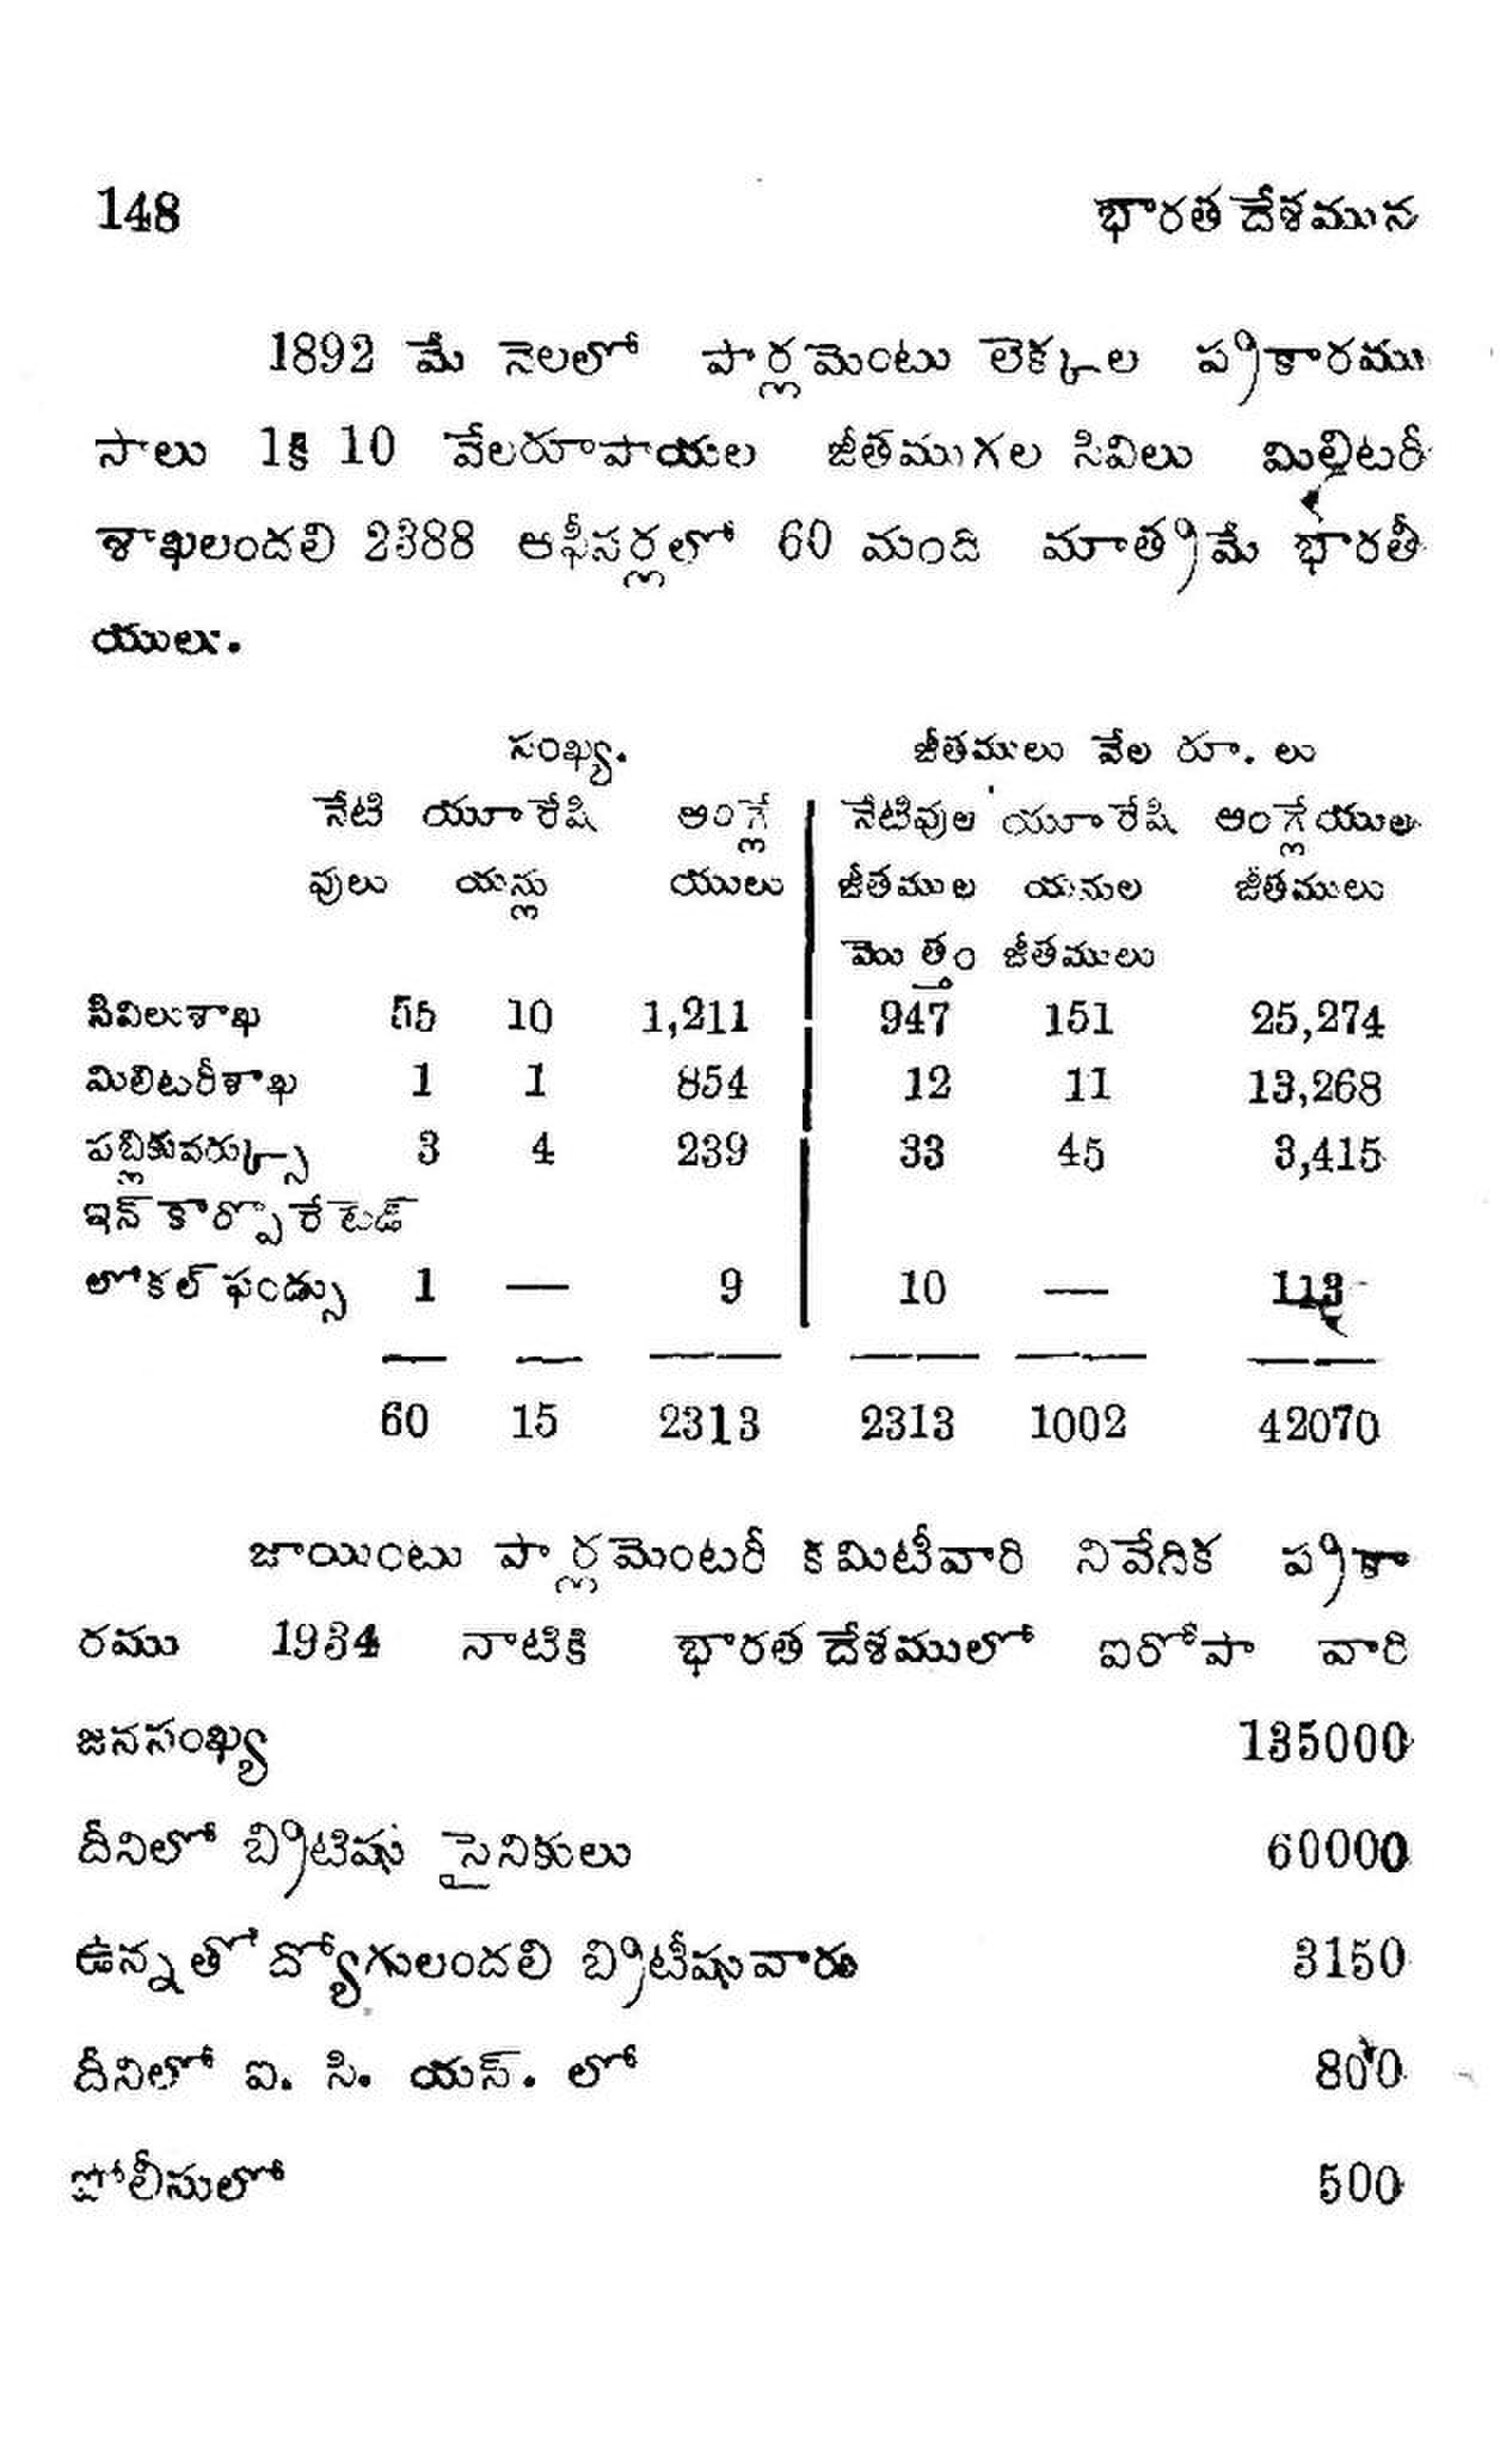1892 మే నెలలో పార్లమెంటు లెక్కల ప్రకారము సాలు 1కి 10 వేలరూపాయల జీతముగల సివిలు మిలిటరీ శాఖలందలి 2388 ఆఫీసర్లలో 60 మంది మాత్రమే భారతీయులు.

 శాఖలు నేటివులు యూరేషియన్లు ఆంగ్లేయులు నేటివుల జీతములమొత్తం యూరేషియనుల జీతములు ఆంగ్లేయుల జీతములు సివిలుశాఖ 55 10 1,211 947 151 25,274 మిలిటరీశాఖ 1 1 854 12 11 13,268 పబ్లికువర్క్సు 3 4 239 33 45 3,415 ఇన్‌కార్పొరేటెడ్ లోకల్ ఫండ్సు 1 - 9 10 - 113 - 60 15 2313 2313 1002 42070

జాయింటు పార్లమెంటరీ కమిటీవారి నివేదిక ప్రకారము 1934 నాటికి భారతదేశములో ఐరోపా వారి జనసంఖ్య - 135000

దీనిలో బ్రిటీషు సైనికులు - 60000

ఉన్నతోద్యోగులందలి బ్రిటీషువారు - 3150

దీనిలో ఐ. సి. యస్. లో - 800

పోలీసులో - 500